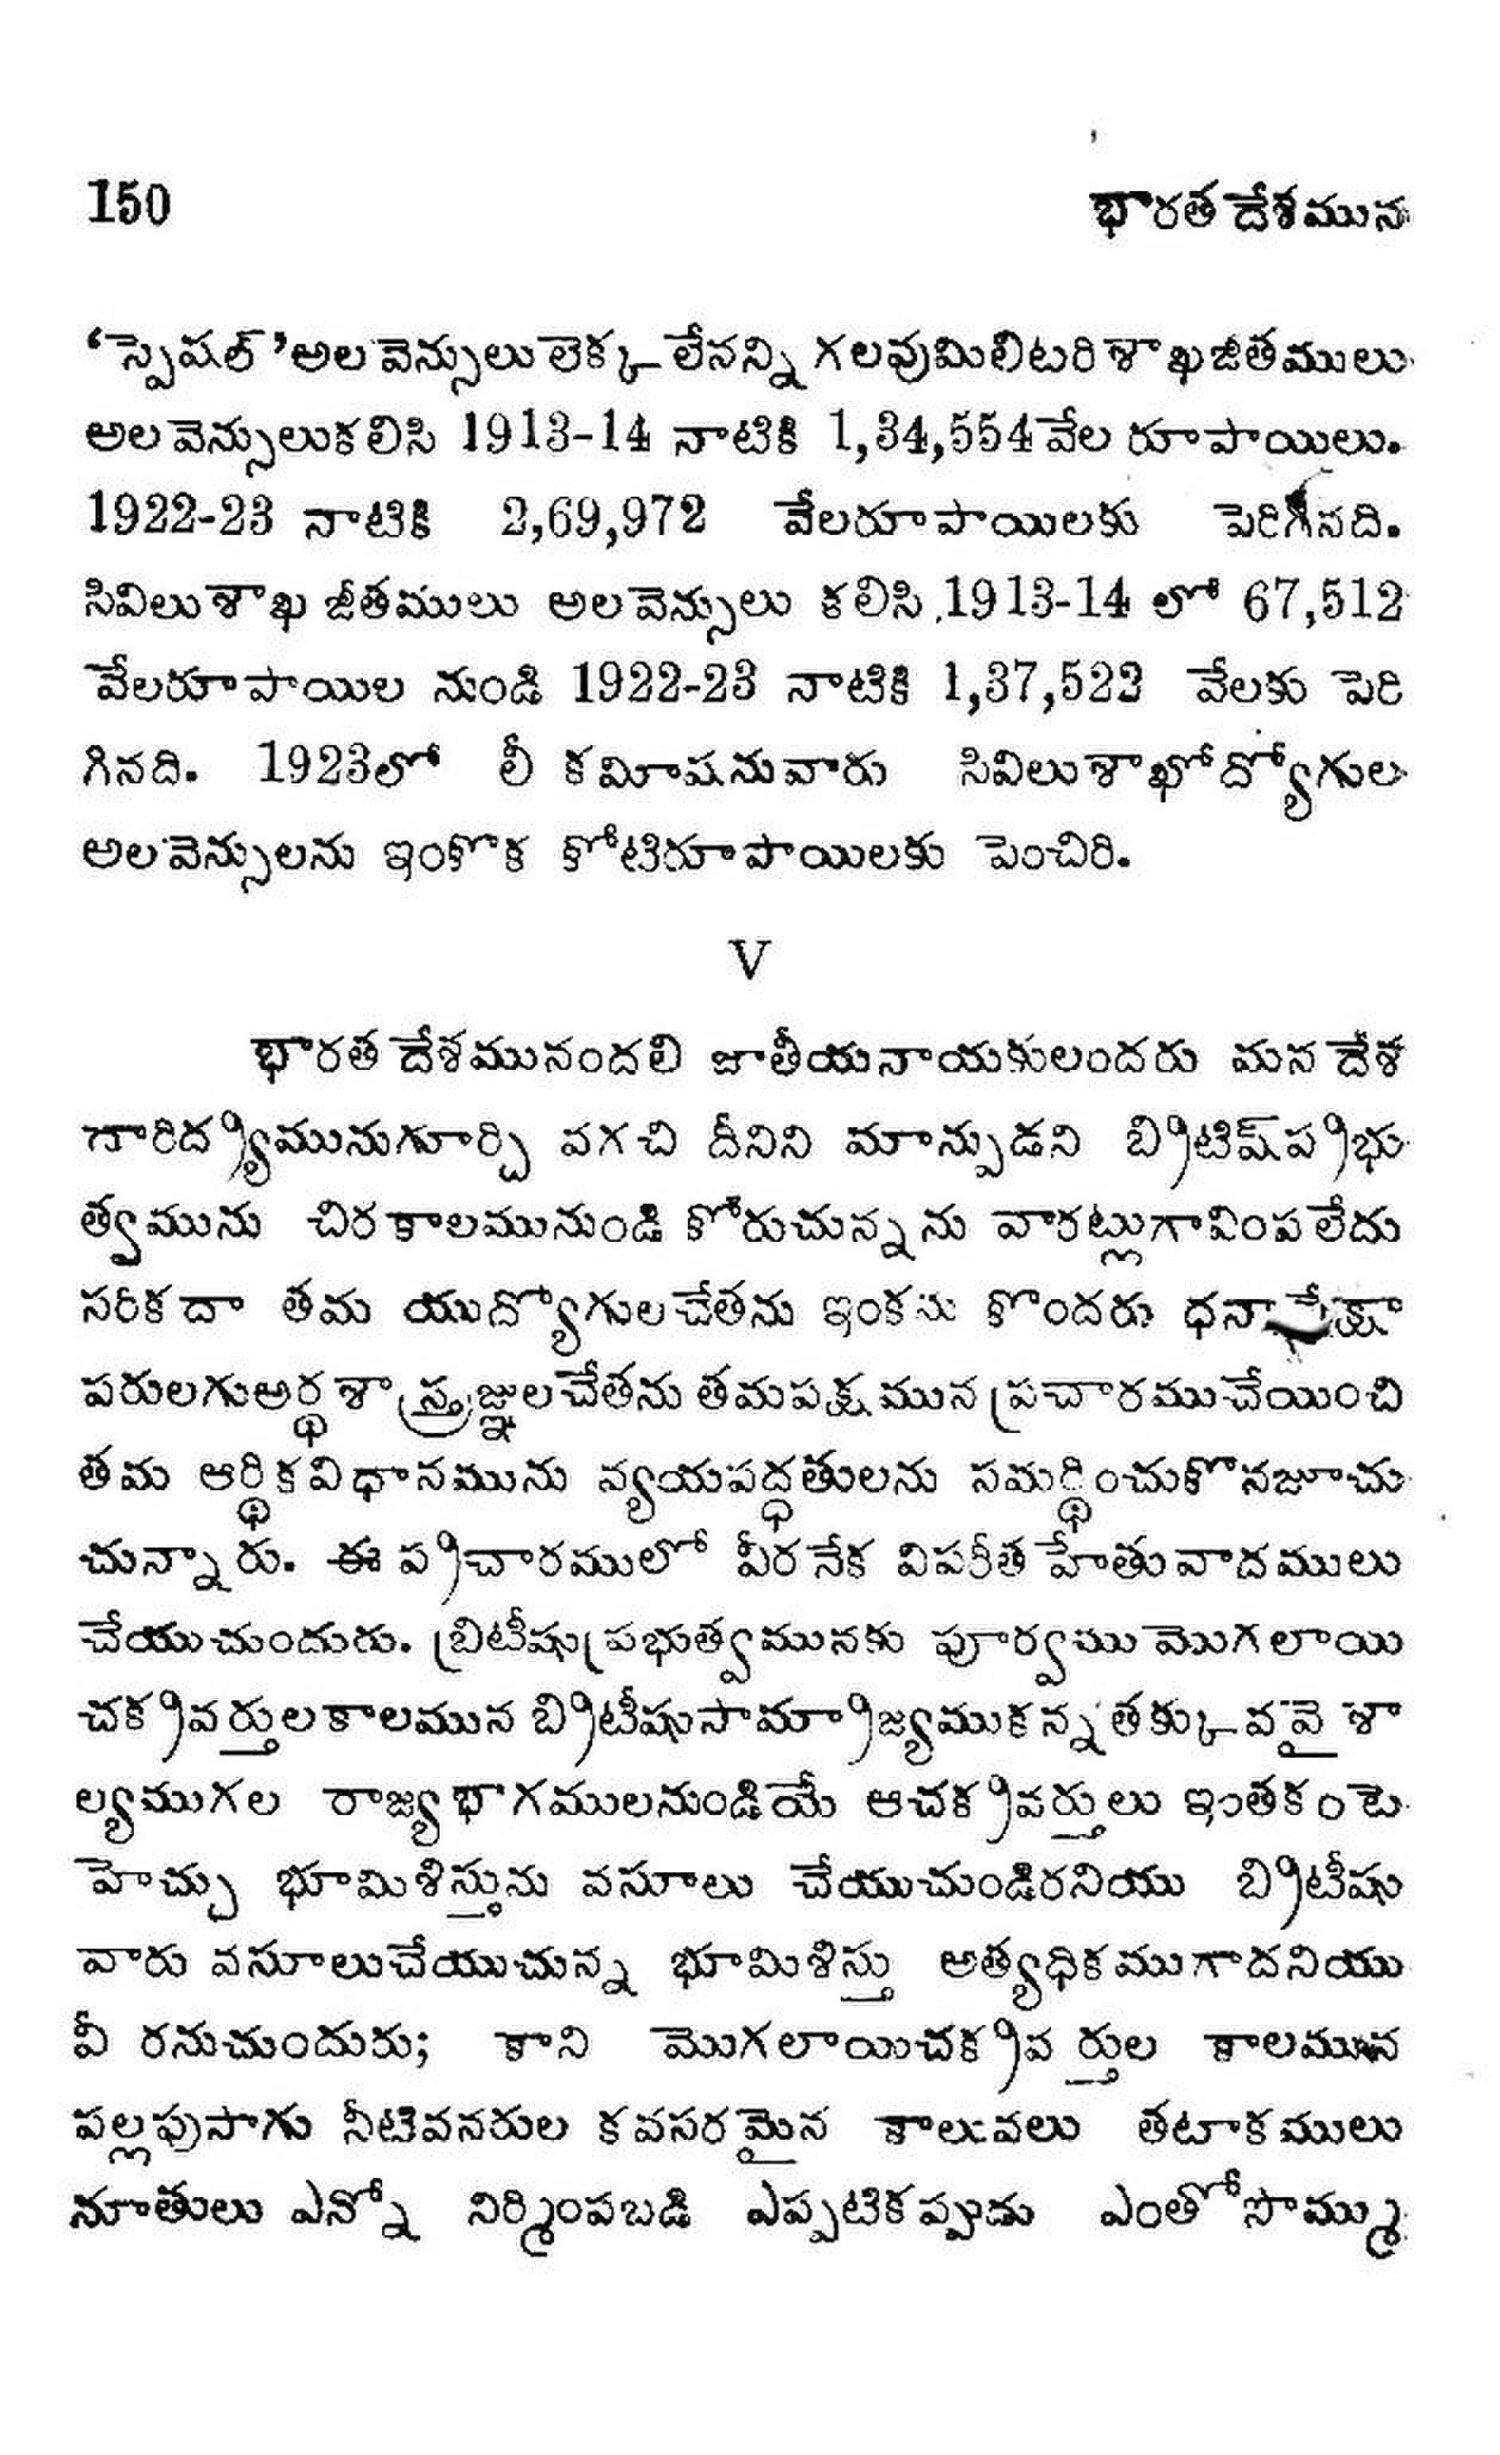'స్పెషల్'అలవెన్సులు లెక్క లేనన్ని గలవుమిలిటరిశాఖజీతములు అలవెన్సులుకలిసి 1913-14 నాటికి 1,34,554 వేల రూపాయిలు. 1922-23 నాటికి 2,69,972 వేలరూపాయిలకు పెరిగినది. సివిలుశాఖ జీతములు అలవెన్సులు కలిసి 1913-14 లో 67,512 వేలరూపాయిల నుండి 1922-23 నాటికి 1,37,522 వేలకు పెరిగినది. 1923లో లీ కమీషనువారు సివిలుశాఖోద్యోగులు అలవెన్సులను ఇంకొక కోటిరూపాయిలకు పెంచిరి.

V

భారతదేశమునందలి జాతీయనాయకులందరు మనదేశ దారిద్ర్యమునుగూర్చి వగచి దీనిని మాన్పుడని బ్రిటిష్‌ప్రభుత్వమును చిరకాలమునుండి కోరుచున్నను వారట్లుగావింపలేదు సరికదా తమ యుద్యోగులచేతను ఇంకను కొందరు ధనాపేక్షాపరులగు అర్ధశాస్త్రజ్ఞులచేతను తమపక్షమున ప్రచారముచేయించి తమ ఆర్థికవిధానమును వ్యయపద్ధతులను సమర్థించుకొనజూచుచున్నారు. ఈప్రచారములో వీరనేక విపరీత హేతువాదములు చేయుచుందురు. బ్రిటీషుప్రభుత్వమునకు పూర్వము మొగలాయి చక్రవర్తులకాలమున బ్రిటీషుసామ్రాజ్యముకన్న తక్కువవైశాల్యముగల రాజ్యభాగములనుండియే ఆచక్రవర్తులు ఇంతకంటటె హెచ్చు భూమిశిస్తును వసూలు చేయుచుండిరనియు బ్రిటీషువారు వసూలుచేయుచున్న భూమిశిస్తు అత్యధికముగాదనియు వీ రనుచుందురు; కాని మొగలాయిచక్రవర్తుల కాలమున పల్లపుసాగు నీటివనరుల కవసరమైన కాలువలు తటాకములు నూతులు ఎన్నో నిర్మింపబడి ఎప్పటికప్పుడు ఎంతోసొమ్ము